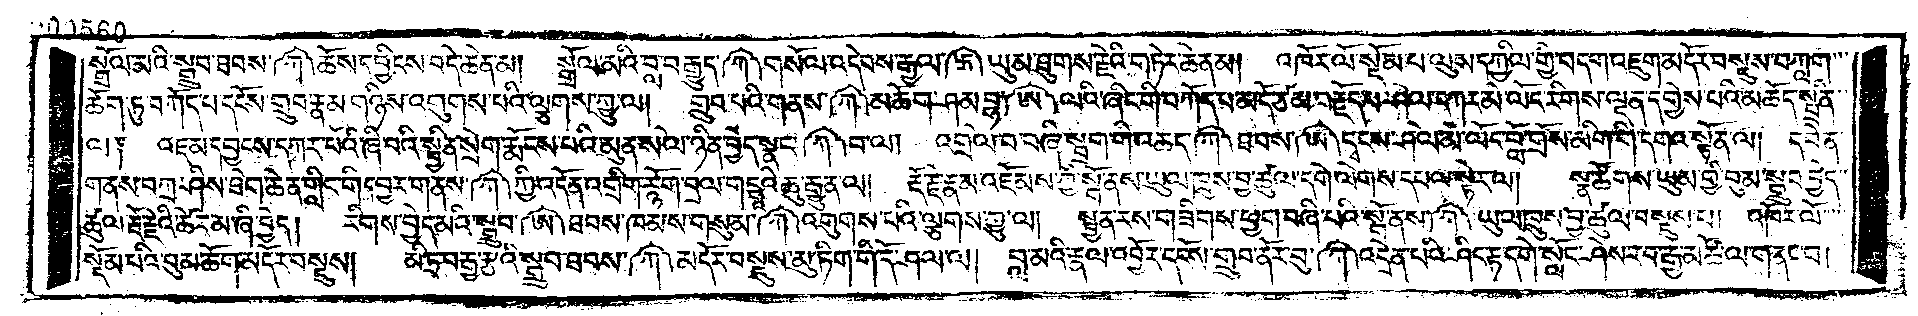སྒྲོལ་མའི་སྒྲུབ་ཐབས ༼ཀ༽ ཆོས་དབྱིངས་བདེ་ཆེན་མ། སྒྲོལ་མའི་བླ་བརྒྱུད ༼ཀ༽ གསོལ་འདེབས་རྒྱལ་ཡུམ་ཐུགས་རྗེའི་གཏེར་ཆེན་མ། འཁོར་ལོ་སྡོམ་པ་ལུས་དཀྱིལ་གྱི་བདག་འཇུག་མདོར་བསྡུས་བཀླག་
ཆོག་ཏུ་བཀོད་པ་དངོས་གྲུབ་རྣམ་གཉིས་འགུགས་པའི་ལྕགས་ཀྱུ་ལ། གྲུབ་པའི་གནས ༼ཀ༽ མཆོག་ཤམ་བྷ ༼ཨ༽ ལའི་ཞིང་གི་བཀོད་པ་མདོ་ཙམ་བརྗོད་པ་ཤེལ་དཀར་མེ་ལོང་རིགས་ལྡན་དགྱེས་པའི་མཆོད་སྤྲིན་
ལ༑ འཇམ་དབྱངས་དཀར་པོའི་ཞི་བའི་སྦྱིན་སྲེག་རྨོངས་པའི་མུན་སེལ་ཉིན་བྱེད་སྣང ༼ཀ༽ བ་ལ། འགྲེལ་བ་བཞི་སྦྲག་གི་འཆད ༼ཀ༽ ཐབས ༼ཨ༽ ཐབས ༼ཨ༽ དྭངས་ཤེལ་མེ་ལོང་བློ་གྲོས་མིག་གི་དགའ་སྟོན་ལ། དབེན་
གནས་བཀྲ་ཤིས་ཐེག་ཆེན་གླིང་གི་དབྱར་གནས ༼ཀ༽ ཀྱི་འདོན་འགྲིག་རྙོག་བྲལ་གངྒའི་ཆུ་རྒྱུན་ལ། རྡོ་རྗེ་རྣམ་འཇོམས་ཀྱི་སྒོ་ནས་ཡུལ་ཁྲུས་བྱ་ཚུལ་དགེ་ལེགས་དཔལ་སྟེར་ལ། སྣ་ཚོགས་ཡུམ་གྱི་བུམ་སྒྲུབ་བྱེད་
ཚུལ་རྡོ་རྗེའི་ཚེར་མ་ཞི་བྱེད། རིགས་བྱེད་མའི་སྒྲུབ ༼ཨ༽ ཐབས་མཁམ་གསུམ ༼ཀ༽ འགུགས་པའི་ལྕགས་ཀྱུ་ལ། སྤྱན་རས་གཟིགས་ཕྱག་བཞི་པའི་སྒོ་ནས ༼ག༽ ཡུལ་ཁྲུས་བྱ་ཚུལ་བསྡུས་པ། འཁོར་ལོ་
སྡོམ་པའི་བུམ་ཆོག་མདོར་བསྡུས། མི་ཏྲ་བརྒྱ་རྩའི་སྒྲུབ་ཐབས ༼ཀ༽ མདོར་བསྡུས་མུ་ཏིག་གི་དོ་ཤལ་ལ། བླ་མའི་རྣལ་འབྱོར་དངོས་གྲུབ་ནོར་བུ ༼ཀ༽ འདྲེན་པའི་ཤིང་རྟ་དགེ་སློང་ཤེས་རབ་རྒྱ་མཚོ་ལ་གནང་བ།